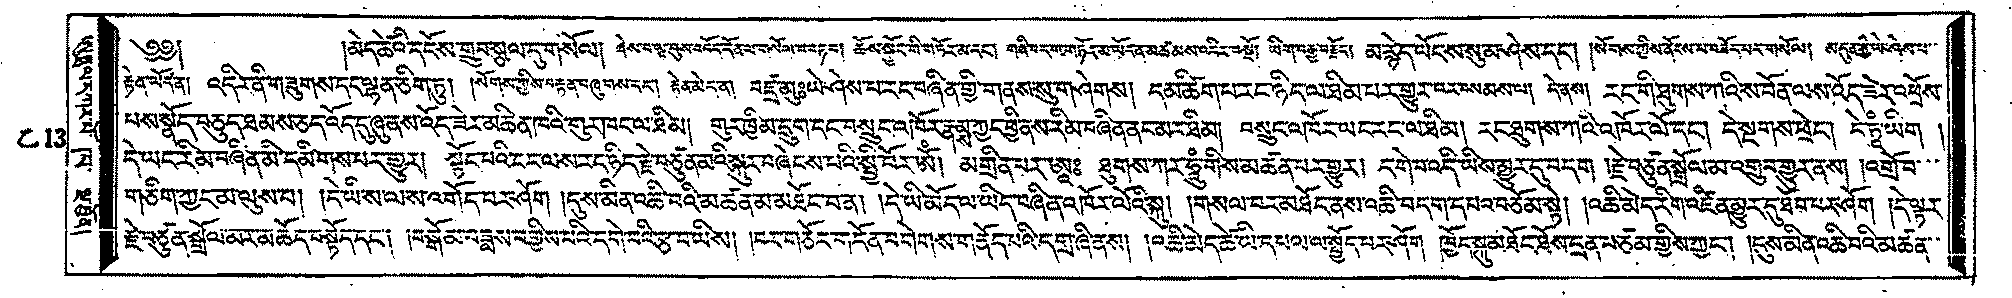༄༅། །མེད་ཚེའི་དངོས་གྲུབ་སྩལ་དུ་གསོལ། ཞེས་པ་ལྟ་བུས་འདོད་དོན་ལ་གསོལ་བ་བཏབ། ཆོས་སྐྱོང་གི་གཏོར་མ་དང་། གཞི་བདག་གཏོར་མ་ཡོད་ན་མཚམས་འདིར་བསྔོ། ཡིག་བརྒྱ་བརྗོད།  མ་རྙེད་ཡོངས་སུ་མ་ཤེས་དང་། །སོགས་ཀྱིས་ནོངས་པ་བཟོད་པར་གསོལ། མདུན་གྱི་ཡེ་ཤེས་པ་་་
རྟེན་ཡོད་ན། འདིར་ནི་གཟུགས་དང་ལྷན་ཅིག་ཏུ། ། སོགས་ཀྱིས་བརྟན་བཞུགས་དང་། རྟེན་མེད་ན།  བཛྲ་མུཿ ཡེ་ཤེས་པ་རང་བཞིན་གྱི་གནས་སུ་གཤེགས། དམ་ཚིག་པ་རང་ཉིད་ལ་ཐིམ་པར་གྱུར་པར་བསམས་ལ། དེ་ནས།  རང་གི་ཐུགས་ཀའི་ས་བོན་ལས་འོད་ཟེར་འཕྲོས་
པས་སྣོད་བཅུད་ཐམས་ཅད་འོད་དུ་ཞུ་ནས་འོད་ཟེར་མཆིན་ཁའི་གུར་ཁང་ལ་ཐིམ། གུར་ཁྱིམ་དྲུག་དང་བསྲུང་འཁོར་རྣམས་ཀྱང་ཕྱི་ནས་རིམ་བཞིན་ནང་མར་ཐིམ། བསྲུང་འཁོར་ཡང་རང་ལ་ཐིམ། རང་ཐུགས་ཀའི་འཁོར་ལོ་དང་། དེ་སྔགས་ཕྲེང་། དེ་ཏཱཾ་ཡིག །
དེ་ཡང་རིམ་བཞིན་མི་དམིགས་པར་གྱུར། སྟོང་པའི་ངང་ལས་རང་ཉིད་རྗེ་བཙུན་མའི་སྐུར་བཞེངས་པའི་སྤྱི་བོར་ཨོཾ། མགྲིན་པར་ཨཱཿ ཐུགས་ཀར་ཧཱུཾ་གིས་མཚན་པར་གྱུར། དགེ་བ་འདི་ཡིས་མྱུར་དུ་བདག །རྗེ་བཙུན་སྒྲོལ་མ་འགྲུབ་གྱུར་ནས། །འགྲོ་བ་་་
གཅིག་ཀྱང་མ་ལུས་པ། །དེ་ཡི་ས་ལ་ས་འགོད་པར་ཤོག །དུས་མིན་འཆི་བའི་མཚན་མ་མཐོང་བ་ན། །དེ་ཡི་མོད་ལ་ཡིད་བཞིན་འཁོར་ལོའི་སྐུ། །གསལ་བར་མཐོང་ནས་འཆི་བདག་དཔའ་བཅོམ་སྟེ། །འཆི་མེད་རིག་འཛིན་མྱུར་དུ་ཐོབ་པར་ཤོག །དེ་ལྟར་
རྗེ་བཙུན་སྒྲོལ་མར་མཆོད་བསྟོད་དང་། །བསྒོམ་བཟླས་བགྱིས་པའི་དགེ་བའི་རྩ་བ་ཡིས། །བར་གཅོད་གདོན་བགེགས་གནོད་པའི་དགྲ་ཞི་ནས། །འཆི་མེད་ཚེ་ཡི་དཔལ་ལ་སྤྱོད་པར་ཤོག་ཁྱོད་སྐུ་མཐོང་ཐོས་དྲན་པ་ཙམ་གྱིས་ཀྱང་། །དུས་མིན་འཆི་བའི་མཚན་་་